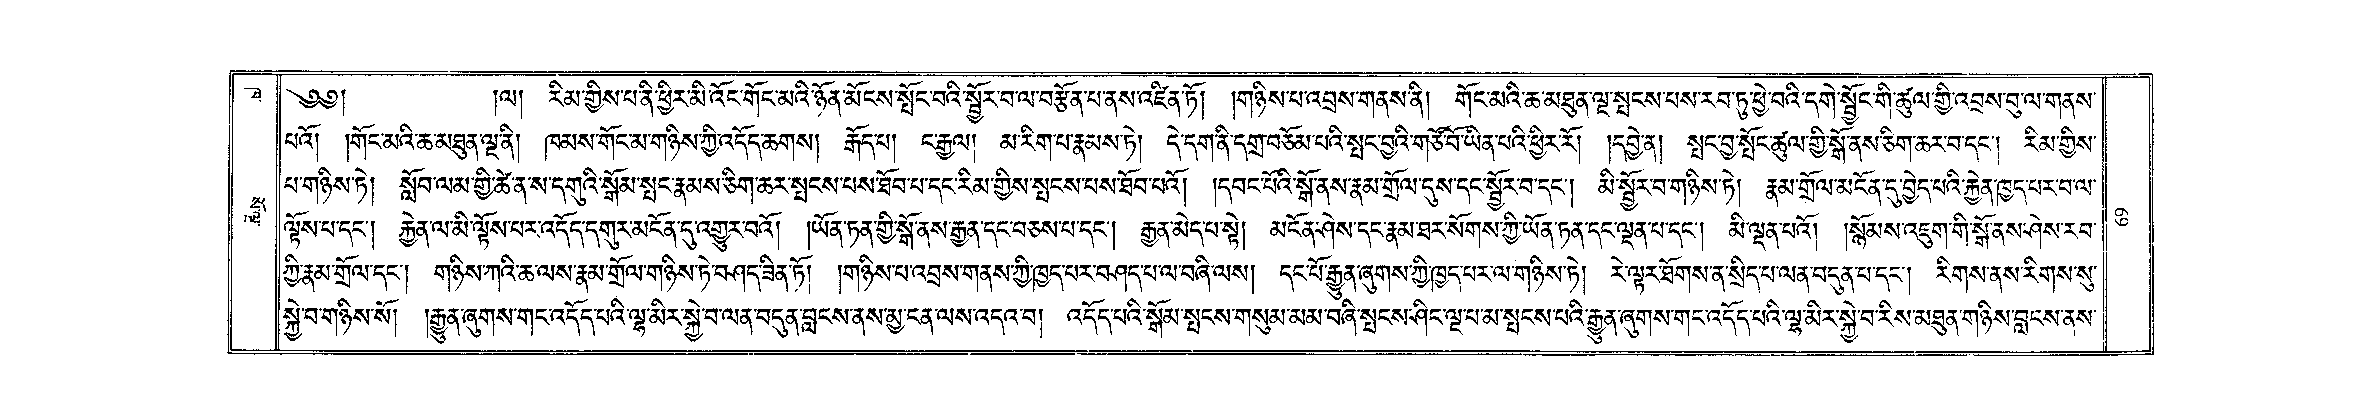༄༅། །ལ། རིམ་གྱིས་པ་ནི་ཕྱིར་མི་འོང་གོང་མའི་ཉོན་མོངས་སྤོང་བའི་སྦྱོར་བ་ལ་བརྩོན་པ་ནས་འཛིན་ཏོ། །གཉིས་པ་འབྲས་གནས་ནི། གོང་མའི་ཆ་མཐུན་ལྔ་སྤངས་པས་རབ་ཏུ་ཕྱེ་བའི་དགེ་སྦྱོང་གི་ཚུལ་གྱི་འབྲས་བུ་ལ་གནས་
པའོ། །གོང་མའི་ཆ་མཐུན་ལྔ་ནི། ཁམས་གོང་མ་གཉིས་ཀྱི་འདོད་ཆགས། རྒོད་པ། ང་རྒྱལ། མ་རིག་པ་རྣམས་ཏེ། དེ་དག་ནི་དགྲ་བཅོམ་པའི་སྤང་བྱའི་གཙོ་བོ་ཡིན་པའི་ཕྱིར་རོ། །དབྱེ་ན། སྤང་བྱ་སྤོང་ཚུལ་གྱི་སྒོ་ནས་ཅིག་ཆར་བ་དང་། རིམ་གྱིས་
པ་གཉིས་ཏེ། སློབ་ལམ་གྱི་ཚེ་ན་ས་དགུའི་སྒོམ་སྤང་རྣམས་ཅིག་ཆར་སྤངས་པས་ཐོབ་པ་དང་རིམ་གྱིས་སྤངས་པས་ཐོབ་པའོ། །དབང་པོའི་སྒོ་ནས་རྣམ་གྲོལ་དུས་དང་སྦྱོར་བ་དང་། མི་སྦྱོར་བ་གཉིས་ཏེ། རྣམ་གྲོལ་མངོན་དུ་བྱེད་པའི་རྐྱེན་ཁྱད་པར་བ་ལ་
ལྟོས་པ་དང་། རྐྱེན་ལ་མི་ལྟོས་པར་འདོད་དགུར་མངོན་དུ་འགྱུར་བའོ། །ཡོན་ཏན་གྱི་སྒོ་ནས་རྒྱན་དང་བཅས་པ་དང་། རྒྱན་མེད་པ་སྟེ། མངོན་ཤེས་དང་རྣམ་ཐར་སོགས་ཀྱི་ཡོན་ཏན་དང་ལྡན་པ་དང་། མི་ལྡན་པའོ། །སྙོམས་འཇུག་གི་སྒོ་ནས་ཤེས་རབ་
ཀྱི་རྣམ་གྲོལ་དང་། གཉིས་ཀའི་ཆ་ལས་རྣམ་གྲོལ་གཉིས་ཏེ་བཤད་ཟིན་ཏོ། །གཉིས་པ་འབྲས་གནས་ཀྱི་ཁྱད་པར་བཤད་པ་ལ་བཞི་ལས། དང་པོ་རྒྱུན་ཞུགས་ཀྱི་ཁྱད་པར་ལ་གཉིས་ཏེ། རེ་ལྟར་ཐོགས་ན་སྲིད་པ་ལན་བདུན་པ་དང་། རིགས་ནས་རིགས་སུ་
སྐྱེ་བ་གཉིས་སོ། །རྒྱུན་ཞུགས་གང་འདོད་པའི་ལྷ་མིར་སྐྱེ་བ་ལན་བདུན་བླངས་ནས་མྱ་ངན་ལས་འདའ་བ། འདོད་པའི་སྒོམ་སྤངས་གསུམ་མམ་བཞི་སྤངས་ཤིང་ལྔ་པ་མ་སྤངས་པའི་རྒྱུན་ཞུགས་གང་འདོད་པའི་ལྷ་མིར་སྐྱེ་བ་རིས་མཐུན་གཉིས་བླངས་ནས་